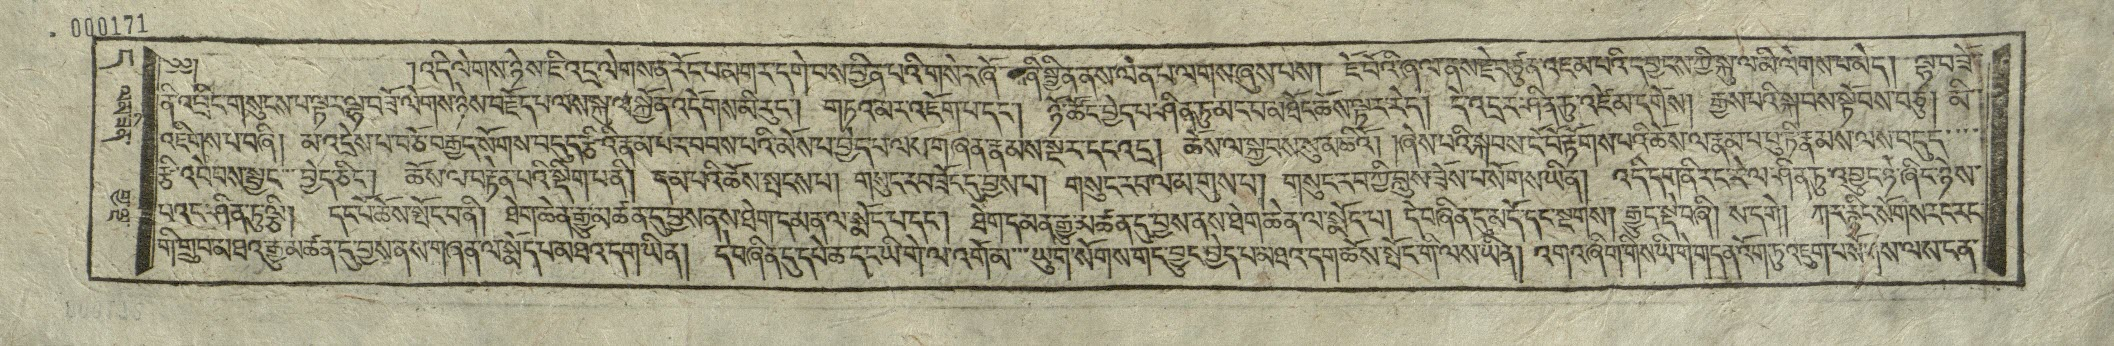༄༅། །འདི་ལེགས་ཉེས་ཇི་འདྲ་ལེགས་ན་རོང་པ་མགར་དགེ་བས་བྱིན་པའི་གསེར་ཞོ་བཞི་སྦྱིན་ནས་ལེན་པ་ལགས་ཞུས་པས། ཇོ་བོའི་ཞལ་ནས་རྗེ་བཙུན་འཇམ་པའི་དབྱངས་ཀྱི་སྐུ་ལ་མི་ལེགས་པ་མེད། ལྷ་བཟོ་
ནི་འབྲིང་གསུངས་པ་ལྟར་ལྷ་བཟོ་ལེགས་ཉེས་བརྗོད་པ་ལས་སྐུ་ལ་སྐྱོན་འདོགས་མི་རུང་། གཏའ་མར་འཇོག་པ་དང་། ཉོ་ཚོང་བྱེད་པ་ཤིན་ཏུ་མང་བ་མཐོང་ཆོས་ལྟར་རེད། དེ་འདྲར་ཤིན་ཏུ་འཛེམ་དགོས། རྒྱས་པའི་སྐབས་སྟོབས་བཅུ། མི་
འཇིགས་པ་བཞི། མ་འདྲེས་པ་བཅོ་བརྒྱད་སོགས་བདུད་རྩིའི་རྣམ་པར་བབས་པའི་མོས་པ་བྱེད་པ་ལས་གཞན་རྣམས་སྔར་དང་འདྲ། ཆོས་ལ་སྐྱབས་སུ་མཆིའོ། །ཞེས་པའི་སྐྱབས་སུ་མཆིའོ། །ཞེས་པའི་སྐབས་ངོ་བོ་རྟོགས་པའི་ཆོས་ལ་རྣམ་པ་པུ་ཏི་རྣམས་ལས་བདུད་
རྩི་འབེབས་སྦྱང་བྱེད་ཅིང་། ཆོས་ལ་བརྟེན་པའི་སྡིག་པ་ནི། དམ་པའི་ཆོས་སྤངས་པ། གསུང་རབ་ཟོང་དུ་བྱས་པ། གསུང་རབ་ལ་མ་གུས་པ། གསུང་རབ་ཀྱི་བླུས་ཟོས་པ་སོགས་ཡིན། འདི་དག་ནི་རང་རེ་ལ་ཤིན་ཏུ་འབྱུང་ཉེ་ཞིང་ཉེས་
པའང་ཤིན་ཏུ་ལྕི། དང་པོ་ཆོས་སྤོང་བ་ནི། ཐེག་ཆེན་རྒྱུ་མཚན་དུ་བྱས་ནས་ཐེག་དམན་ལ་སྨོད་པ་དང་། ཐེག་དམན་རྒྱུ་མཚན་ཏུ་བྱས་ནས་ཐེག་ཆེན་ལ་སྨོད་པ། དེ་བཞིན་དུ་མདོ་དང་སྔགས། རྒྱུད་སྡེ་བཞི། ས་དགེ། ཀར་རྙིང་སོགས་རང་རང་
གི་གྲུབ་མཐའ་རྒྱུ་མཚན་དུ་བྱས་ནས་གཞན་ལ་སྨོད་པ་མཐའ་དག་ཡིན། དེ་བཞིན་དུ་དཔེ་ཆ་དང་ཡི་གེ་ལ་འགོམ་ཡུག་སོགས་གང་བྱུང་བྱེད་པ་མཐའ་དག་ཆོས་སྤོང་གི་ལས་ཡིན། འགའ་ཞིག་གིས་ཡི་གེ་གདན་འོག་ཏུ་འཇུག་པ་སོགས་ལས་ངན་